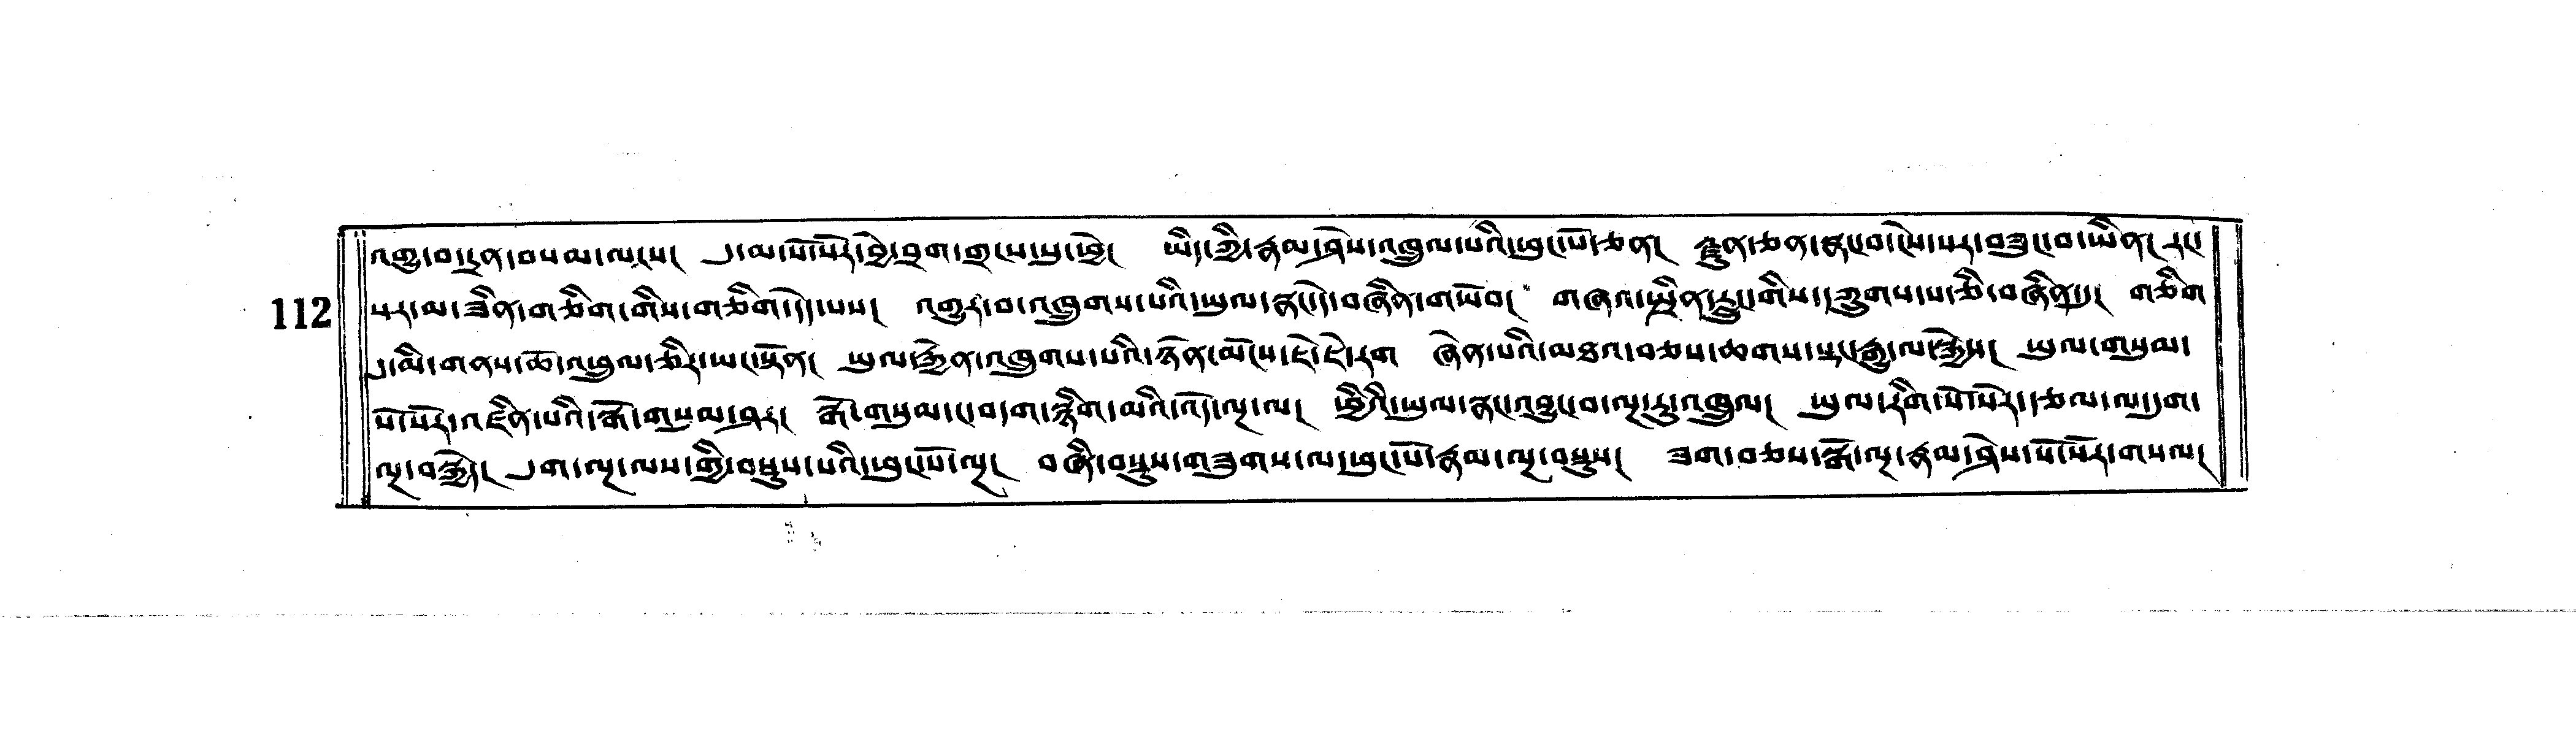འགྱུ་བ་དྲན་བསམ་ལངས། དུ་མ་སོ་སོར་བྱེ་བྲག་གྲངས་སུ་ཕྱེ། ཡིད་ཀྱི་རྣམ་ཤེས་འཁྲུལ་པའི་ཕུང་པོ་ཅན། རྫུན་ཅན་སྣང་བ་ངེས་པར་བཟུང་བ་ཡིན། རང་
སར་མ་ཟིན་གཅིག་གིས་གཅིག་དེད་པས། འགྱུར་བ་འཁྲུག་པའི་ཡུལ་སྣང་དེ་བཞིན་གཡོབ། གཞའ་སྤྲིན་རླུང་གིས་དཀྲུག་པ་ཅི་བཞིན་དུ། གཅིག་
ཏུ་མི་གནས་ཆོ་འཕྲུལ་ཅིར་ཡང་སྟོན། ཡུལ་རྐྱེན་འཁྲུག་པའི་ཉོན་མོངས་ཇེ་ཆེ་རག ཞེན་པའི་མཐའ་བཅས་ཆགས་སྡང་རྒྱུ་ལས་སྐྱེས། ཡུལ་གསུམ་
སོ་སོར་འཛིན་པའི་སྒོ་གསུམ་ཤར། སྒོ་གསུམ་ང་བདག་སྙིགས་མའི་འོད་ལྔ་ལ། ཕྱི་ཡི་ཡུལ་སྣང་འབྱུང་བ་ལྔ་རུ་འཁྲུལ། ཡུལ་རིག་སོ་སོར་རྩལ་ལ་དུག་
ལྔ་བསྐྱེད། དུག་ལྔ་ལས་ཀྱིས་བསྡུས་པའི་ཕུང་པོ་ལྔ། བཞི་བསྡུས་གཟུགས་ལ་ཕུང་པོ་རྣམ་ལྔ་བསྡུས། ཟག་བཅས་སྒོ་ལྔ་རྣམ་ཤེས་སོ་སོར་གསལ།